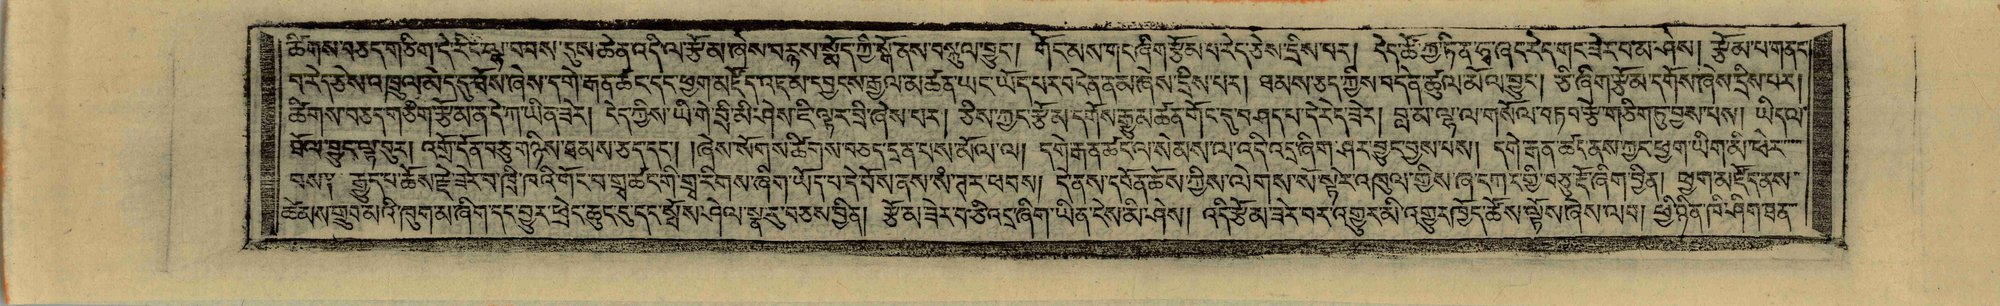ཚིགས་བཅད་གཅིག་དེ་རིང་ལྷ་བབས་དུས་ཆེན་འདི་ལ་རྩོམ་ཞེས་བརྙས་སྨོད་ཀྱི་སྒོ་ནས་བསྐུལ་བྱུང་། གོང་མས་གང་ཞིག་རྩོམ་པ་རེད་ཅེས་དྲིས་པར། ངེད་ཚོ་ཀྱ་ཏིན་ཧྭ་ཞང་རེད་གང་ཟེར་བ་མ་ཤེས། རྩོམ་པ་གནང་
བ་རེད་ཅེས་འཁྲུལ་མེད་དུ་ཐོས་ཞེས་དགེ་རྒན་ཚང་དང་ཕྱག་མཛོད་འཇམ་དབྱངས་རྒྱལ་མཚན་ཡང་ཡོད་པར་བདེན་ནམ་ཞེས་དྲིས་པར། ཐམས་ཅད་ཀྱིས་བདེན་ཚུལ་མོལ་བྱུང་། ཅི་ཞིག་རྩོམ་དགོས་ཞེས་དྲིས་པར།
ཚིགས་བཅད་གཅིག་རྩོམ་ན་དེ་ཀ་ཡིན་ཟེར། ངེད་ཀྱིས་ཡི་གེ་བྲི་མི་ཤེས་ཇི་ལྟར་བྲི་ཞེས་པར། ཅིས་ཀྱང་རྩོམ་དགོས་རྒྱུ་མཚན་གོང་དུ་བཤད་པ་དེ་རེད་ཟེར། བླ་མ་ལྷ་ལ་གསོལ་བཏབ་རྩེ་གཅིག་ཏུ་བྱས་པས། ཡིད་ལ་
ཐོལ་བྱུང་ལྟ་བུར། འགྲོ་དོན་བཅུ་གཉིས་ཐམས་ཅད་དང་། །ཞེས་སོགས་ཚིགས་བཅད་དྲན་པས་མོལ་ལ། དགེ་རྒན་ཚང་ལ་སེམས་ལ་འདི་འདྲ་ཞིག་ཤར་བྱུང་བྱས་པས། དགེ་རྒན་ཚང་ནས་ཀྱང་ཕྱག་ཡིག་མི་ཕེར་
བས༑ རྒྱུད་པ་ཆོས་རྗེ་ཟེར་བ་ཁྲི་ཁའི་གོང་བ་གྲྭ་ཚང་གི་གྲྭ་རིགས་ཞིག་ཡོད་པ་དེ་བོས་ནས་སཾ་ཊར་ཕབས། དེ་ནས་དབོན་ཆོས་ཀྱིས་ལེགས་སོ་སྟེར་འཁུལ་གྱིས་ཞ་དཀར་གྱི་བཅུ་རྡོ་ཞིག་བྱིན། ཕྱག་མཛོད་ནས་
ཚེམས་གྲུབ་མའི་ཁུག་མ་ཞིག་དང་བྱུར་ཕྲེང་ཆུང་ངུ་དང་སྤོས་ཤེལ་སྣ་རུ་བཅས་བྱིན། རྩོམ་ཟེར་བ་ཅི་འདྲ་ཞིག་ཡིན་ངེས་མི་ཤེས། འདི་རྩོམ་ཟེར་བར་འགྱུར་མི་འགྱུར་ཁྱོད་ཚོས་ལྟོས་ཞེས་ལབ། ཕྱི་ཉིན་ཁི་ཤིག་ཐན་